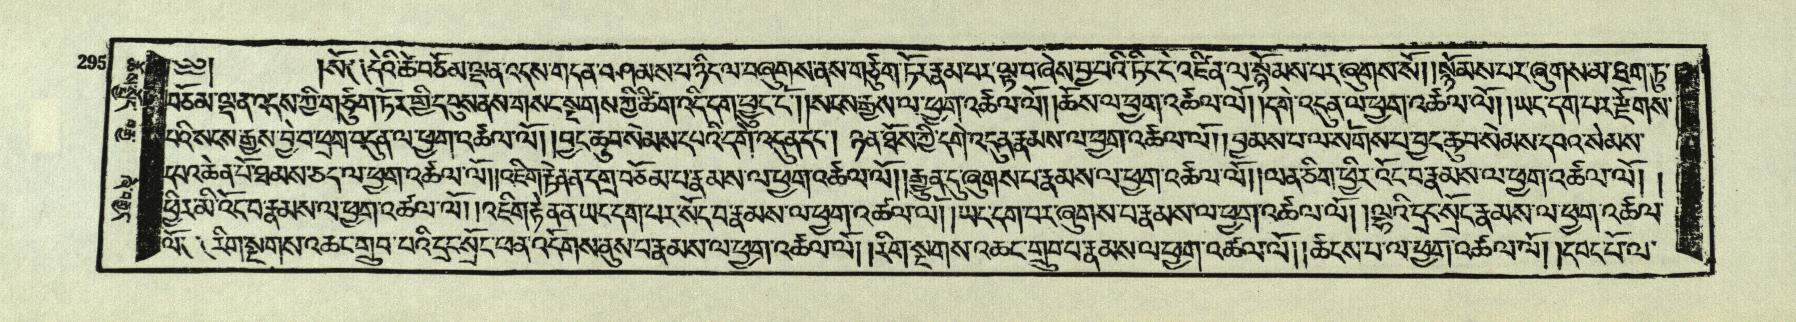༄༅། །སོ༑ ༑དེའི་ཚེ་བཅོམ་ལྡན་འདས་གདན་བཤམས་པ་ཉིད་ལ་བཞུགས་ནས་གཙུག་ཏོར་རྣམ་པར་ལྟ་བ་ཞེས་བྱ་བའི་ཏིང་ངེ་འཛིན་ལ་སྙོམས་པར་ཞུགས་སོ། །སྙོམས་པར་ཞུགས་མ་ཐག་ཏུ་
བཅོམ་ལྡན་འདས་ཀྱི་གཙུག་ཏོར་གྱི་དབུས་ནས་གསང་སྔགས་ཀྱི་ཚིག་འདི་དག་ཕྱུང་ངོ། །སངས་རྒྱས་ལ་ཕྱག་འཚལ་ལོ། །ཆོས་ལ་ཕྱག་འཚལ་ལོ། །དགེ་འདུན་ལ་ཕྱག་འཚལ་ལོ། །ཡང་དག་པར་རྫོགས་
པའི་སངས་རྒྱས་བྱེ་བ་ཕྲག་བདུན་ལ་ཕྱག་འཚལ་ལོ། །བྱང་ཆུབ་སེམས་དཔའི་དགེ་འདུན་དང་། ཉན་ཐོས་ཀྱི་དགེ་འདུན་རྣམས་ལ་ཕྱག་འཚལ་ལོ། །བྱམས་པ་ལ་སོགས་པ་བྱང་ཆུབ་སེམས་དཔའ་སེམས་
དཔའ་ཆེན་པོ་ཐམས་ཅད་ལ་ཕྱག་འཚལ་ལོ། །འཇིག་རྟེན་ན་དགྲ་བཅོམ་པ་རྣམས་ལ་ཕྱག་འཚལ་ལོ། །རྒྱུན་དུ་ཞུགས་པ་རྣམས་ལ་ཕྱག་འཚལ་ལོ། །ལན་ཅིག་ཕྱིར་འོང་བ་རྣམས་ལ་ཕྱག་འཚལ་ལོ། །
ཕྱིར་མི་འོང་བ་རྣམས་ལ་ཕྱག་འཚལ་ལོ། །འཇིག་རྟེན་ན་ཡང་དག་པར་སོང་བ་རྣམས་ལ་ཕྱག་འཚལ་ལོ། །ཡང་དག་པར་ཞུགས་པ་རྣམས་ལ་ཕྱག་འཚལ་ལོ། །ལྷའི་དྲང་སྲོང་རྣམས་ལ་ཕྱག་འཚལ་
ལོ༑ ༑རིག་སྔགས་འཆང་གྲུབ་པའི་དྲང་སྲོང་ཕན་འདོགས་ནུས་པ་རྣམས་ལ་ཕྱག་འཚལ་ལོ། །རིག་སྔགས་འཆང་གྲུབ་པ་རྣམས་ལ་ཕྱག་འཚལ་ལོ། །ཚངས་པ་ལ་ཕྱག་འཚལ་ལོ། །དབང་པོ་ལ་